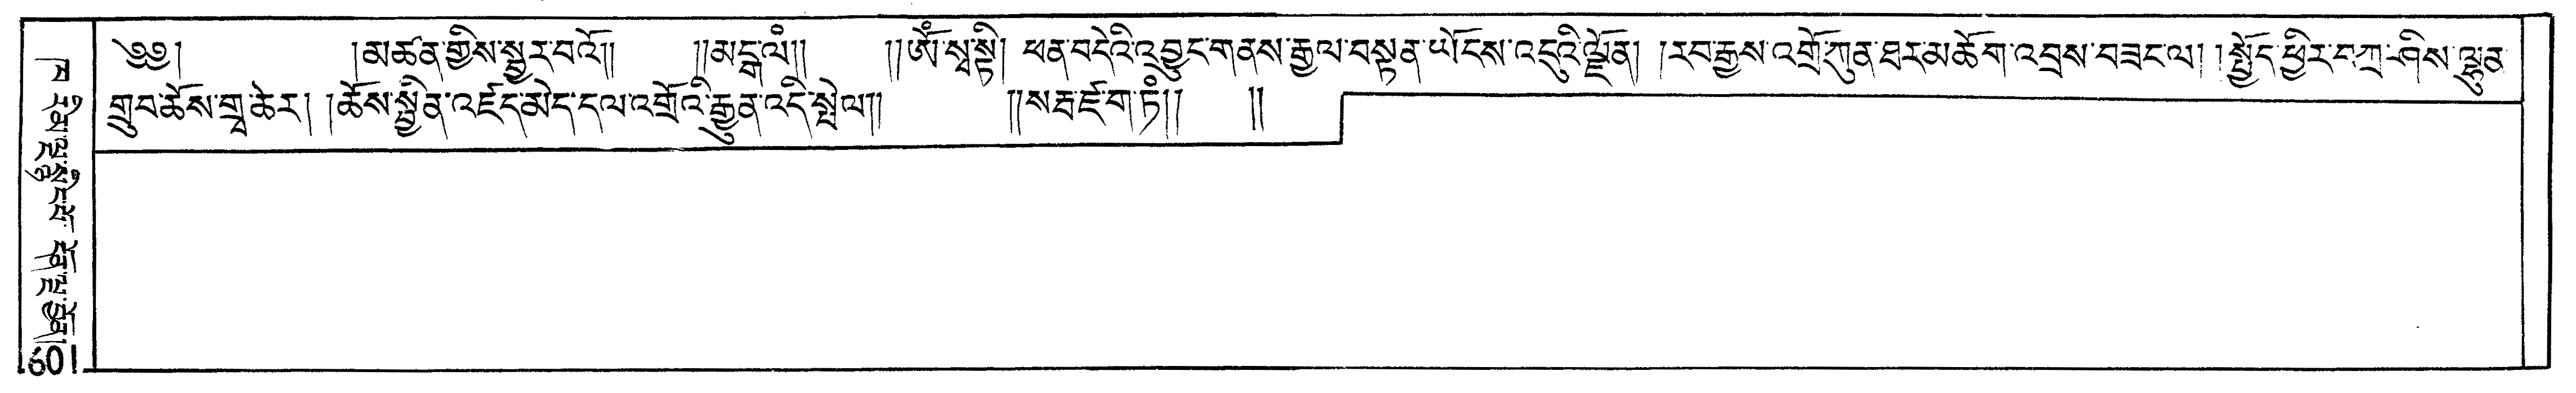༄༅། །མཚན་གྱིས་སྦྱར་བའོ།། །།མངྒ་ལཾ།། །།ཨོཾ་སྭ་སྟི། ཕན་བདེའི་འབྱུང་གནས་རྒྱལ་བསྟན་ཡོངས་འདུའི་ལྗོན། །རབ་རྒྱས་འགྲོ་ཀུན་ཐར་མཆོག་འབྲས་བཟང་ལ། །སྤྱོད་ཕྱིར་བཀྲ་ཤིས་ལྷུན་
གྲུབ་ཆོས་གྲྭ་ཆེར། །ཆོས་སྦྱིན་འཛད་མེད་དལ་འགྲོའི་རྒྱུན་འདི་སྤེལ།། །།སརྦ་ཛ་ག་ཏཾ།། །།